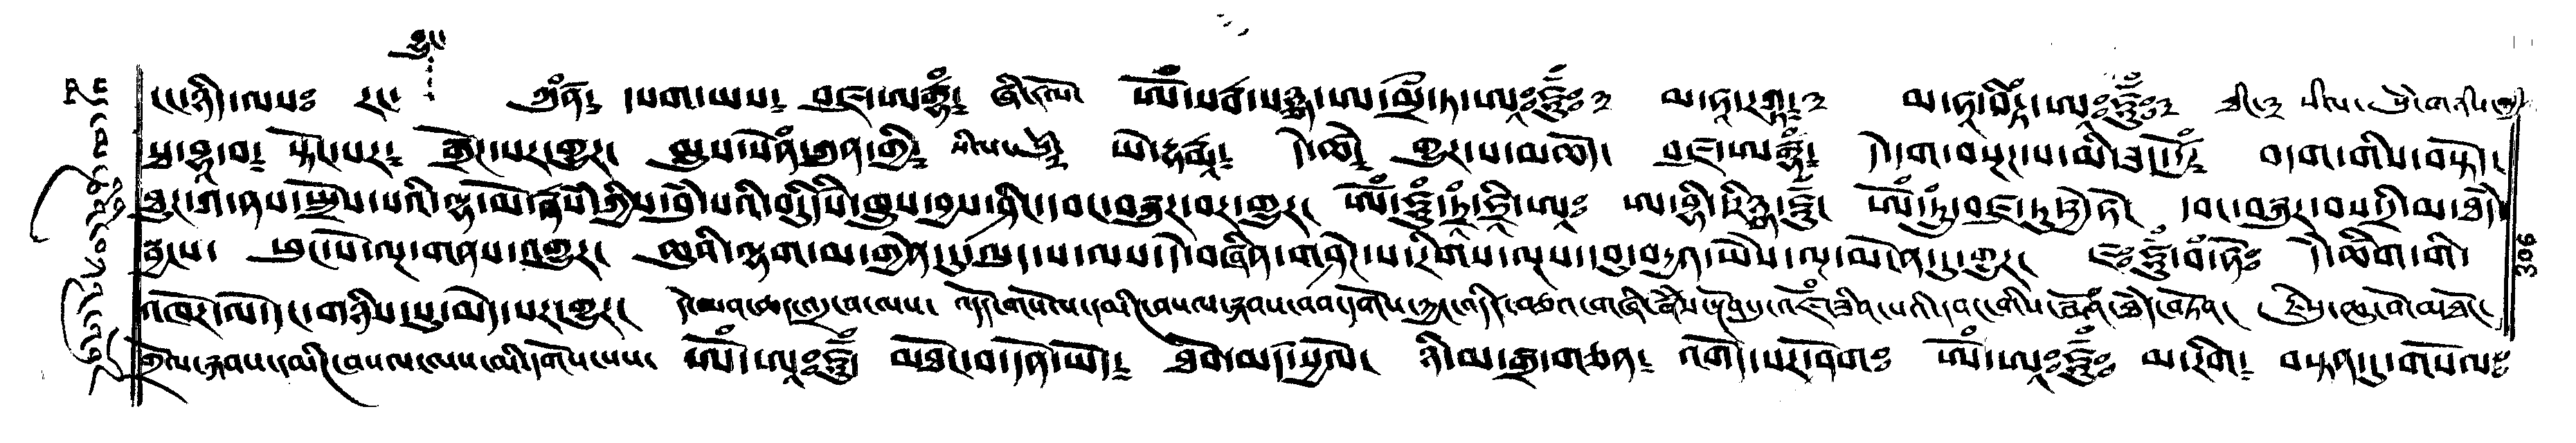ངང་ཉིད་ལས༴ རང་བྱུང༴ ཀུན་བཟང༴ བཛྲ་ཨརྒྷཾ༴ བཞག་རོལ། ཨོཾ་སརྦ་པཉྩ་ཨ་མྲྀ་ཏ་ཨཱཿཧཱུྃཿ གསུམ། མ་ཧཱ་རཀྟ༴ གསུམ། མ་ཧཱ་བ་ལིངྟ་ཨཱཿཧཱུྃཿ གསུམ། ཐིང་གསུམ། སིལ། སུམ་གཉིས་ཀྱིས། 
སྭ་བྷཱ་ཝ༴ སྟོང་པར༴ སྒྲོག་པར་གྱུར། མ་ལུས་སེམས་ཅན་ཀུན་གྱི༴ སིལ། སུམ་གཉིས། ཡེ་དྷརྨཱ༴ དེ་ཚེ༴ གྱུར་པ་མཆོད་བཛྲ་ཨརྒྷཾ༴ དེ་དག་བསྔགས་པ་མི་ཟད་རྒྱ་མཚོ༴ བདག་གིས་བསྟོད། 
ཐུགས་ཀ་ནས་སྤྲོས་པའི་ལྷ་མོ་རྣམས་ཀྱིས་བུམ་པའི་བདུད་རྩིས་ཁྲུས་བྱས་ཤིང་དབང་བསྐུར་བར་གྱུར། ཨོཾ་ཧཱུྃ་ཏྲཱཾ་ཧྲཱི་ཨཱཿ ཨ་བྷི་རིཉྩ་ཧཱུྃ། ཨོཾ་ཏྲུཾ་བཛྲ་ཏུརྱེ་ཧོ། དབང་བསྐུར་བས་དྲི་མ་ཐམས་ཅད་
སྦྱངས། ཕུང་པོ་ལྔ་གནས་གྱུར། ཆུའི་ལྷག་མ་གྱེན་དུ་ལུད་པ་ལས་དེ་བཞིན་གཤེགས་པ་རིགས་ལྔས་དབུ་བརྒྱན་ཡེ་ཤེས་ལྔ་མངོན་དུ་གྱུར། ཛཿཧཱུྃ་བཾ་ཧོཿ དམ་ཚིག་གི་
འཁོར་ལོ་དང་གཉིས་སུ་མེད་པར་གྱུར། དེ་ཡན་ཆད་འདྲ་བ་ལས། འདོད་གསོལ་དམིགས་བསལ་སྐབས་བབ་དགོས་ཀྱང་འདིར་བཅའ་གཞི་རྣམས་སྔོན་དུ་འཛོམས་ཟིན་པའི་དབང་གིས་སྨོན་ལམ་ཐམས་ཅད་འདོན། རྗེས་སུ་ཆུ་བོ་མཐོང་
གྲོལ་སྐབས་དམིགས་བསལ་ལས་མི་དགོས་པས། ཨོཾ་ཨཱཿཧཱུྃ། མཐོང་བ་དོན་ཡོད༴ ཐོབ་མཛད་གསོལ། ཉི་མ་སྒྲ་གཅན༴ འགོད་པར་ཤོག། ཨོཾ་ཨཱཿཧཱུྃ། མ་རིག༴ བསྟན་དུ་གསོལ།